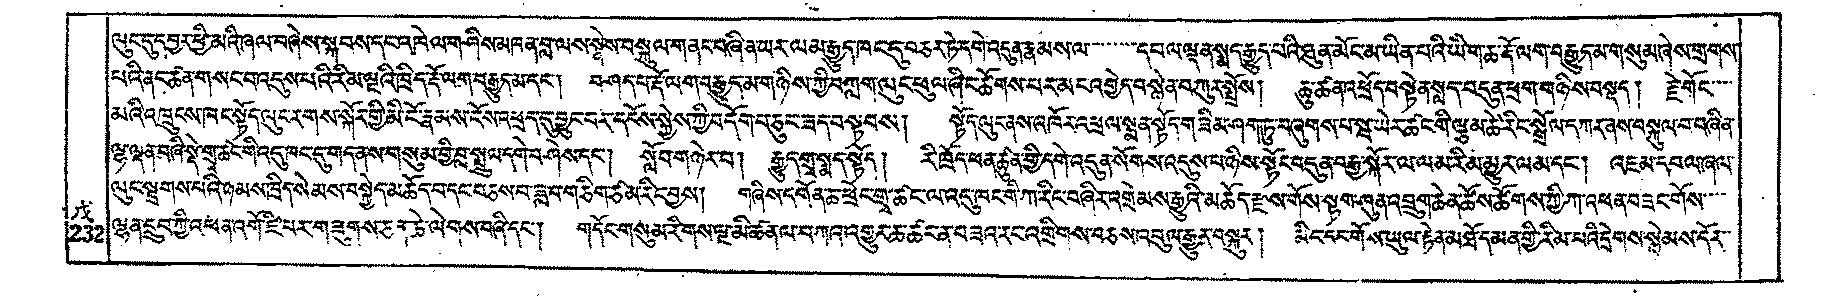ལུང་དུ་དབྱར་ཕྱི་མའི་ཞལ་བཞེས་སྐབས་དང་འཁེལ་གཤིས་མཁན་བླ་ལས་སྣེས་བསྐུལ་གནང་བཞིན་ཡར་ལམ་རྒྱུད་ཁང་དུ་བཅར་ཏེ་དགེ་འདུན་རྣམས་ལ་དཔལ་ལྡན་སྨད་རྒྱུད་པའི་ཐུན་མོང་མ་ཡིན་པའི་ཡིག་ཆ་རྡོ་ལག་བརྒྱུད་མ་གསུམ་ཞེས་གྲགས་
པའི་ནང་ཚན་གསང་བ་འདུས་པའི་རིམ་ལྔའི་ཁྲིད་རྡོ་ལག་བརྒྱུད་མ་དང་། བཤད་པ་རྡོ་ལག་བརྒྱུད་མ་གཉིས་ཀྱི་བཀླག་ལུང་ཕུལ་ཞིང་ཚོགས་པར་མང་འགྱེད་བསྙེན་བཀུར་སྤྲོས། ཆུ་ཚན་འཕྲོད་བསྟེན་སླད་བདུན་ཕྲག་གཉིས་བསྡད། རྗེ་གོང་
མའི་འཁྲུངས་ཁང་སྟོད་ལུང་རགས་སྐོར་གྱི་མི་ངོ་རྣམས་ངོས་འཕྲད་དུ་བྱུང་བར་དངོས་སྐྱེས་ཀྱི་བདོག་པ་ཅུང་ཟད་བསྟབས། སྟོད་ལུང་ནས་འཁོར་འཕྲལ་སྨན་སྟོད་གཟིམ་ཤག་ཏུ་བཞུགས་པ་སྦ་ཡེར་ཚང་གི་ལྕམ་ཚེ་རིང་སྒྲོལ་དཀར་ནས་བསྐུལ་བ་བཞིན་
ལྷ་ལྡན་བཞི་སྡེ་གྲྭ་ཚང་གི་འདུ་ཁང་དུ་གདན་ས་གསུམ་གྱི་བླ་སྤྲུལ་དགེ་བཤེས་དང་། སློབ་གཉེར་བ། རྒྱུད་གྲྭ་སྨད་སྟོད། རི་ཁྲོད་ཕན་ཚུན་གྱི་དགེ་འདུན་སོགས་འདུས་པ་ཉིས་སྟོང་འདུན་བརྒྱ་སྐོར་ལ་ལམ་རིམ་མྱུར་ལམ་དང་། འཇམ་དཔལ་ཞལ་
ལུང་སྦྲགས་པའི་ཉམས་ཁྲིད་སེམས་བསྐྱེད་མཆོད་པ་དང་བཅས་པ་ཟླ་བ་གཅིག་ཙམ་རིང་བྱས། གཞིས་དགོན་ཆ་ཕྲེང་གྲྭ་ཚང་ལ་འདུ་ཁང་གི་ཀ་རིང་བཞིར་འགྲེམས་རྒྱུའི་མཆོད་རྫས་གོས་སྟག་ཤུན་འབྲུག་ཆེན་ཚོས་ཚོགས་ཀྱི་ཀ་འཕན་བཟང་གོས་
ལྷན་དྲུབ་ཀྱི་འཕན་འགོ་ཛི་པར་གཟུགས་ཅན་ཆེ་ལེགས་བཞི་དང་། གདོང་གསུམ་རིགས་ལྔ་མི་ཚན་ལ་བཀའ་འགྱུར་ཆ་ཚང་ན་བཟའ་རང་འགྲིགས་བཅས་འབུལ་རྒྱུར་བསྐུར། མིང་དང་གོས་ཡུལ་རྟེན་མཐོ་དམན་གྱི་རིམ་པའི་དྲེགས་སྙེམས་དོར་